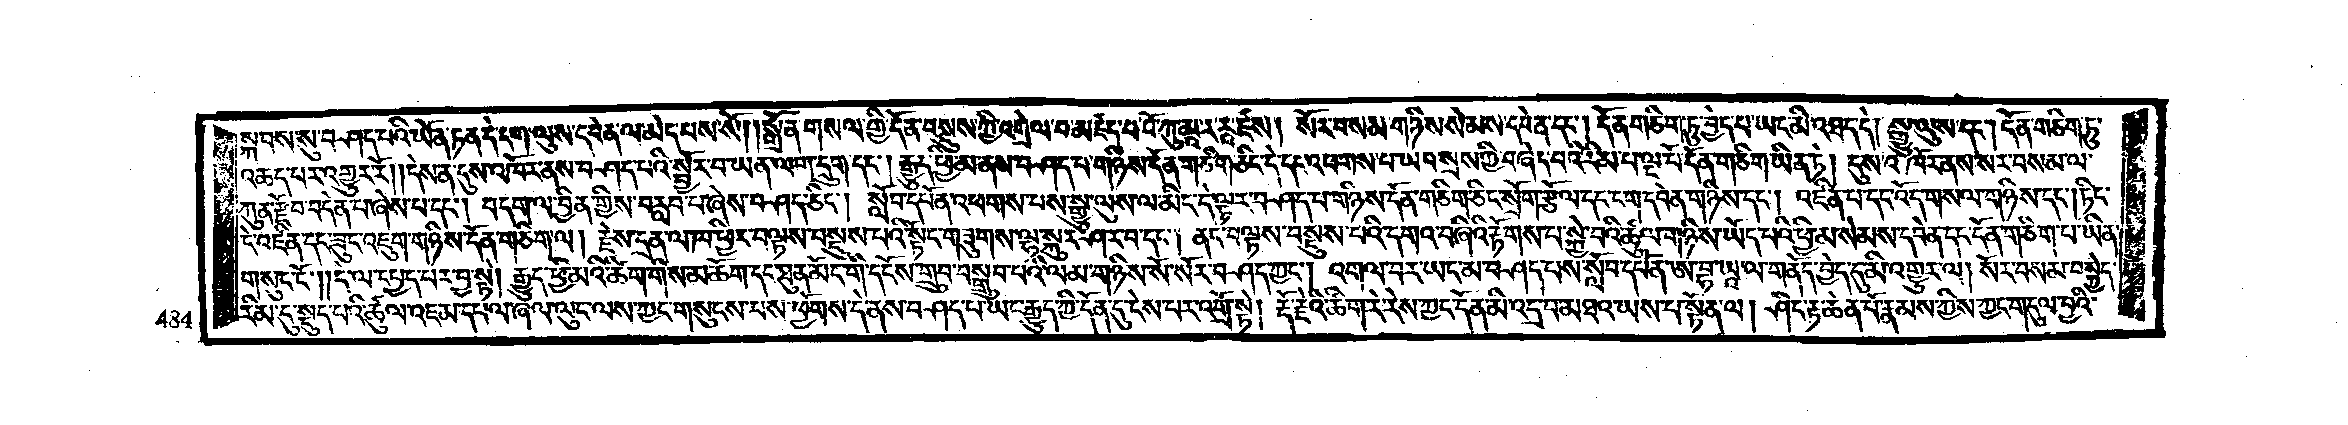སྐབས་སུ་བཤད་པའི་ཡོན་ཏན་དེ་དག་ལུས་དབེན་ལ་མེད་པས་སོ། །སྒྲོན་གསལ་གྱི་དོན་བསྡུས་ཀྱི་འགྲེལ་པ་མཛད་པ་པོ་ཀུ་མཱ་ར་རཱ་ཛས། སོར་བསམ་གཉིས་སེམས་དབེན་དང་། དོན་གཅིག་ཏུ་བྱེད་པ་ཡང་མི་འཐད་དེ། སྒྱུ་ལུས་དང་། དོན་གཅིག་ཏུ་
འཆད་པར་འགྱུར་རོ། །དེས་ན་དུས་འཁོར་ནས་བཤད་པའི་སྦྱོར་བ་ཡན་ལག་དྲུག་དང་། རྒྱུད་ཕྱི་མ་ནས་བཤད་པ་གཉིས་དོན་གཅིག་ཅིང་དེ་དང་འཕགས་པ་ཡབ་སྲས་ཀྱི་བཞེད་པའི་རིམ་པ་ལྔ་པོ་དོན་གཅིག་ཡིན་ཏེ། དུས་འཁོར་ནས་སོར་བསམ་ལ་
ཀུན་རྫོབ་བདེན་པ་ཞེས་པ་དང་། བདག་ལ་བྱིན་གྱིས་བརླབ་པ་ཞེས་བཤད་ཅིང་། སློབ་དཔོན་འཕགས་པས་སྒྱུ་ལུས་ལ་མིང་དེ་ལྟར་བཤད་པ་གཉིས་དོན་གཅིག་ཅིང་སྲོག་རྩོལ་དང་ངག་དབེན་གཉིས་དང་། འཛིན་པ་དང་འོད་གསལ་གཉིས་དང་། ཏིང་
ངེ་འཛིན་དང་ཟུང་འཇུག་གཉིས་དོན་གཅིག་ལ། རྗེས་དྲན་ལ་ཁ་ཕྱིར་བལྟས་བསྡུས་པའི་སྟོང་གཟུགས་ལྷ་སྐུར་ཤར་བ་དང་། ནང་བལྟས་བསྡུས་པའི་དགའ་བཞིའི་རྟོགས་པ་སྐྱེ་བའི་ཚུལ་གཉིས་ཡོད་པའི་ཕྱི་མ་སེམས་དབེན་དང་དོན་གཅིག་པ་ཡིན་
གསུང་ངོ། །དེ་ལ་དཔྱད་པར་བྱ་སྟེ། རྒྱུད་ཕྱི་མའི་ཚིག་གིས་མཆོག་དང་ཐུན་མོང་གི་དངོས་གྲུབ་བསྒྲུབ་པའི་ལམ་གཉིས་སོ་སོར་བཤད་ཀྱང་། འགལ་བར་ཡང་མ་བཤད་པས་སློབ་དཔོན་ཨ་བྷ་ཡཱ་ལ་གནོད་བྱེད་དུ་མི་འགྱུར་ལ། སོར་བསམ་བསྐྱེད་
རིམ་དུ་སྡུད་པའི་ཚུལ་འཇམ་དཔལ་ཞལ་ལུང་ལས་ཀྱང་གསུངས་པས་ཕྱོགས་དེ་ནས་བཤད་པ་ཡང་རྒྱུད་ཀྱི་དོན་དུ་ངེས་པར་འགྲོ་སྟེ། རྡོ་རྗེའི་ཚིག་རེ་རེས་ཀྱང་དོན་མི་འདྲ་བ་མཐའ་ཡས་པ་སྟོན་ལ། ཤིང་རྟ་ཆེན་པོ་རྣམས་ཀྱིས་ཀྱང་གདུལ་བྱའི་